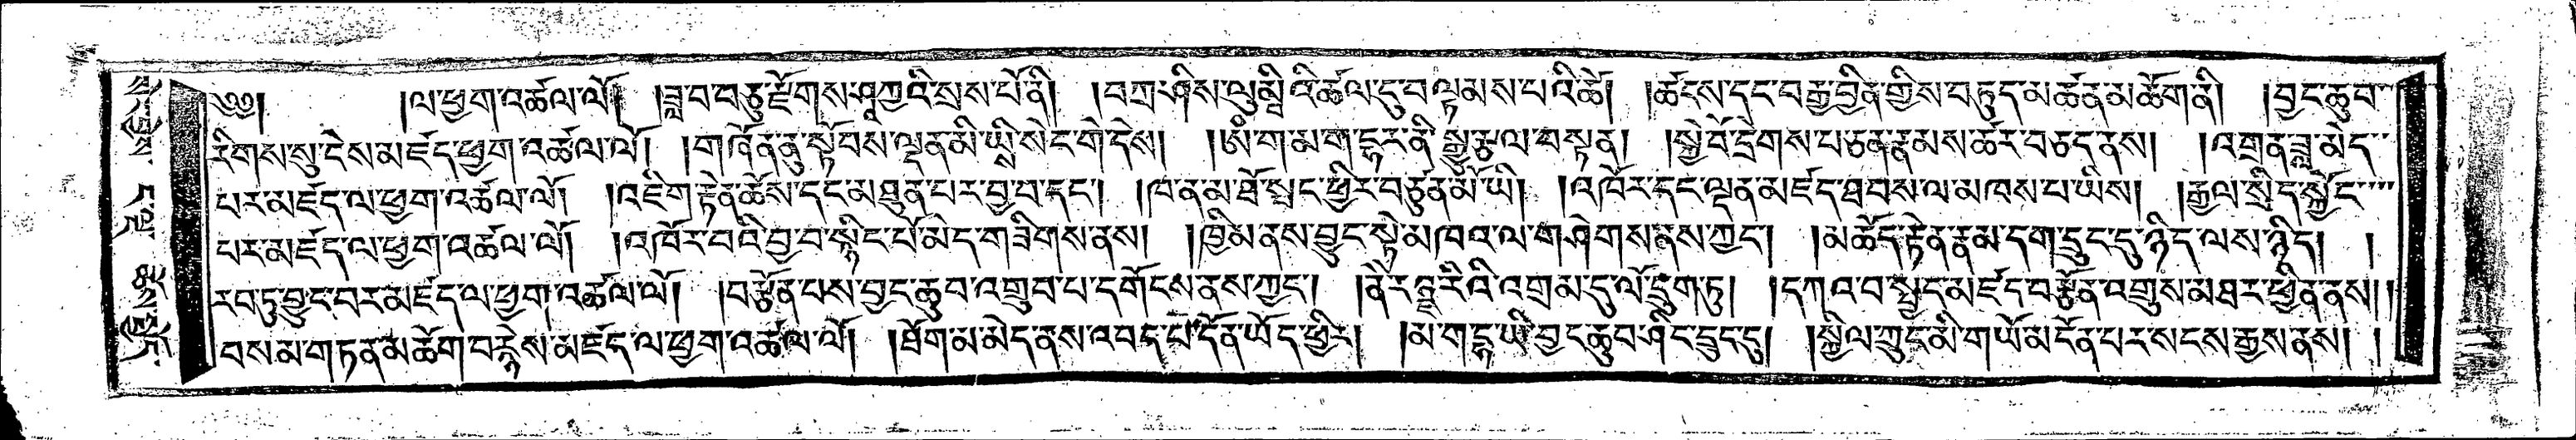༄༅། །ལ་ཕྱག་འཚལ་ལོ། །ཟླ་བ་བཅུ་རྫོགས་ཤཱཀྱའི་སྲས་པོ་ནི། །བཀྲ་ཤིས་ལུ་མྦིའི་ཚལ་དུ་བལྟམས་པའི་ཚེ། །ཚངས་དང་བརྒྱ་བྱིན་གྱིས་བཏུད་མཚན་མཆོག་ནི། །བྱང་ཆུབ་
རིགས་སུ་ངེས་མཛད་ཕྱག་འཚལ་ལོ། །གཞོན་ནུ་སྟོབས་ལྡན་མི་ཡིས་སེང་གེ་དེས། །ཨཾ་ག་མ་ག་དྷར་ནི་སྒྱུ་རྩལ་བསྟན། །སྐྱེ་བོ་དྲེགས་པ་ཅན་རྣམས་ཚར་བཅད་ནས། །འགྲན་ཟླ་མེད་
པར་མཛད་ལ་ཕྱག་འཚལ་ལོ། །འཇིག་རྟེན་ཆོས་དང་མཐུན་པར་བྱ་བ་དང་། །ཁ་ན་མ་ཐོ་སྤང་ཕྱིར་བཙུན་མོ་ཡི། །འཁོར་དང་ལྡན་མཛད་ཐབས་ལ་མཁས་པ་ཡིས། །རྒྱལ་སྲིད་སྐྱོང་
པར་མཛད་ལ་ཕྱག་འཚལ་ལོ། །འཁོར་བའི་བྱ་བ་སྙིང་པོ་མེད་གཟིགས་ནས། །ཁྱིམ་ནས་བྱུང་སྟེ་མཁའ་ལ་གཤེགས་ནས་ཀྱང་། །མཆོད་རྟེན་རྣམ་དག་དྲུང་དུ་ཉིད་ལས་ཉིད། །
རབ་ཏུ་བྱུང་བར་མཛད་ལ་ཕྱག་འཚལ་ལོ། །བརྩོན་པས་བྱང་ཆུབ་འགྲུབ་པ་དགོངས་ནས་ཀྱང་། །ནཻ་རཉྫ་རིའི་འགྲམ་དུ་ལོ་དྲུག་ཏུ། །དཀའ་བ་སྤྱད་མཛད་བརྩོན་འགྲུས་མཐར་ཕྱིན་ནས། །
བསམ་གཏན་མཆོག་བརྙེས་མཛད་ལ་ཕྱག་འཚལ་ལོ། །ཐོག་མ་མེད་ནས་འབད་པ་དོན་ཡོད་ཕྱིར། །མ་ག་ནྷ་ཡི་བྱང་ཆུབ་ཤིང་དྲུང་དུ། །སྐྱིལ་ཀྲུང་མི་གཡོ་མངོན་པར་སངས་རྒྱས་ནས། །